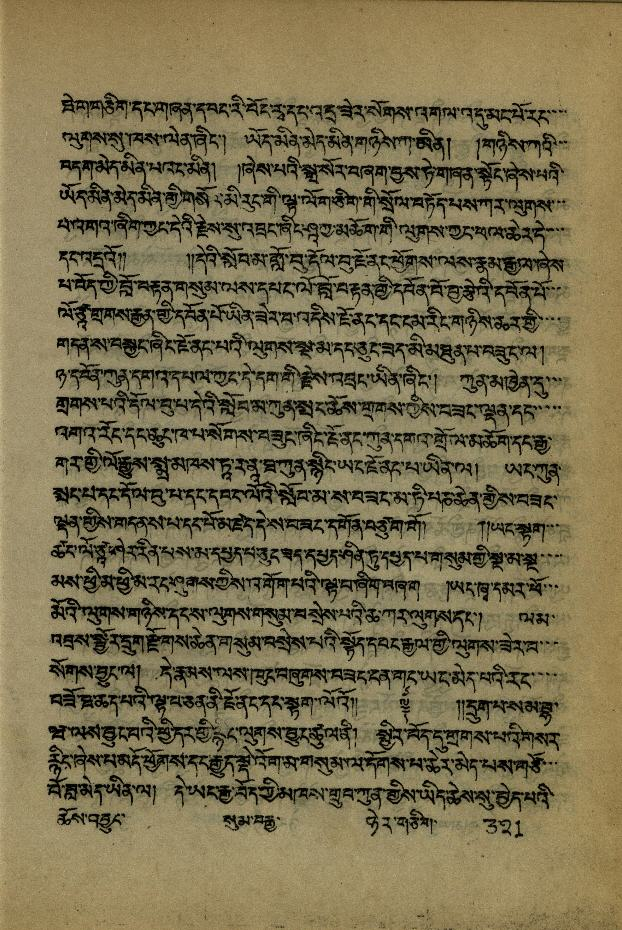ཐེག་གཅིག་དང་གཞན་དབང་རི་བོང་རྭ་དང་འདྲ་ཟེར་སོགས་འགལ་འདུ་མང་པོ་རང་
ལུགས་སུ་ཁས་ལེན་ཞིང་། ཡོད་མིན་མེད་མིན་གཉིས་ཀ་མིན། །གཉིས་ཀའི་
བདག་མེད་མིན་པའང་མིན། །ཞེས་པའི་སྒྲ་སོར་བཞག་བྱས་ཏེ་གཞན་སྟོང་ཞེས་པའི་
ཡོད་མིན་མེད་མིན་གྱི་གསོར་མི་རུང་གི་ལྟ་ལོག་ཅིག་གི་སྲོལ་བཏོད་པས་ཀར་ལུགས་
པ་འགའ་ཞིག་ཀྱང་དེའི་རྗེས་སུ་འབྲང་ཞིང་ཤཱཀྱ་མཆོག་གི་ལུགས་ཀྱང་ཕལ་ཆེར་དེ་
དང་འདྲའོ།། །།དེའི་སློབ་མ་གློ་བུ་དོལ་བུ་ཇོ་ནང་ཕྱོགས་ལས་རྣམ་རྒྱལ་ཞེས་
པ་བོད་ཀྱི་བློ་བརྟན་གསུམ་ལས་དཔང་ལོ་བློ་བརྟན་གྱི་དབོན་བོ་བྱ་རྩེའི་དཔོན་པོ་
ལོ་ཙཱ་གྲགས་རྒྱན་གྱི་དབོན་པོ་ཡིན་ཟེར་བ་འདིས་ཇོ་ནང་དང་ངམ་རིང་གཉིས་ཆར་གྱི་
གདན་ས་བསྐྱང་ཞིང་ཇོ་ནང་བའི་ལུགས་སྔ་མ་དང་ཅུང་ཟད་མི་མཐུན་པ་བཟུང་ལ།
ཉ་དབོན་ཀུན་དགའ་དཔལ་ཀྱང་དེ་དག་གི་རྗེས་འབྲང་ཡིན་ཞིང་། ཀུན་མཁྱེན་དུ་
གྲགས་པའི་དོལ་བུ་པ་དེའི་སློབ་མ་ཀུན་སྤང་ཆོས་གྲགས་ཀྱིས་བཟང་ལྡན་དང་
འགའ་རོང་དང་ཆུང་ཁ་པ་སོགས་བཟུང་ཞིང་ཇོ་ནང་ཀུན་དགའ་གྲོལ་མཆོག་དང་རྒྱ་
གར་གྱི་ལོ་རྒྱུས་སྨྲ་མཁས་ཏཱ་ར་ནཱ་ཐ་ཀུན་སྙིང་ཡང་ཇོ་ནང་པ་ཡིན་ལ། ཡང་ཀུན་
སྤང་པ་དང་དོལ་བུ་པ་དང་དབང་ལོའི་སློབ་མ་ས་བཟང་མ་ཏི་པཎ་ཆེན་གྱིས་བཟང་
ལྡན་གྱིས་གདན་ས་པ་དང་པོ་མཛད་དེ་ས་བཟང་དགོན་བཙུག་གོ། །།ཡང་སྟག་
ཚང་ལོ་ཙཱ་ཤེར་རིན་པས་མ་དཔྱད་པ་ཅུང་ཟད་དཔྱད་ཤིན་ཏུ་དཔྱད་པ་གསུམ་གྱི་སྔ་མ་སྔ་
མས་ཕྱི་མ་ཕྱི་མ་རང་ཤུགས་ཀྱིས་འགོག་པའི་ལྟ་བ་ཞིག་བཞག །ཡང་ཞྭ་དམར་ཕོ་
མོའི་ལུགས་གཉིས་དང་ས་ལུགས་གསུམ་བསྲེས་པའི་ཆ་ཀར་ལུགས་དང་། ལམ་
འབྲས་སྦྱོར་དྲུག་རྫོགས་ཆེན་གསུམ་བསྲེས་པའི་སྟོད་དབང་རྒྱལ་གྱི་ལུགས་ཟེར་བ་
སོགས་བྱུང་ལ། དེ་རྣམས་ལས་ཁུང་བཞུགས་བཟང་ངན་གང་ཡང་མེད་པའི་རང་
བཟོ་ཐ་ཆད་པའི་ལྟ་པ་ཅན་ནི་ཇོ་ནང་དང་སྟག་ལོའོ།། ༈ །།དྲུག་པ་སམ་བྷ་
ཝ་ལས་བྱུང་བའི་ཕྱི་དར་གྱི་རྙིང་ལུགས་བྱུང་ཚུལ་ནི། སྤྱིར་བོད་དུ་གྲགས་པའི་གསར་
རྙིང་ཞེས་པ་མདོ་ཕྱོགས་དང་རྒྱུད་སྡེ་འོག་མ་གསུམ་ལ་དོགས་པ་ཆེར་མེད་པས་གཙོ་
བོ་བླ་མེད་ཡིན་ལ། དེ་ཡང་རྒྱ་བོད་ཀྱི་མཁས་གྲུབ་ཀུན་གྱིས་ཡིད་ཆེས་སུ་བྱེད་པའ་